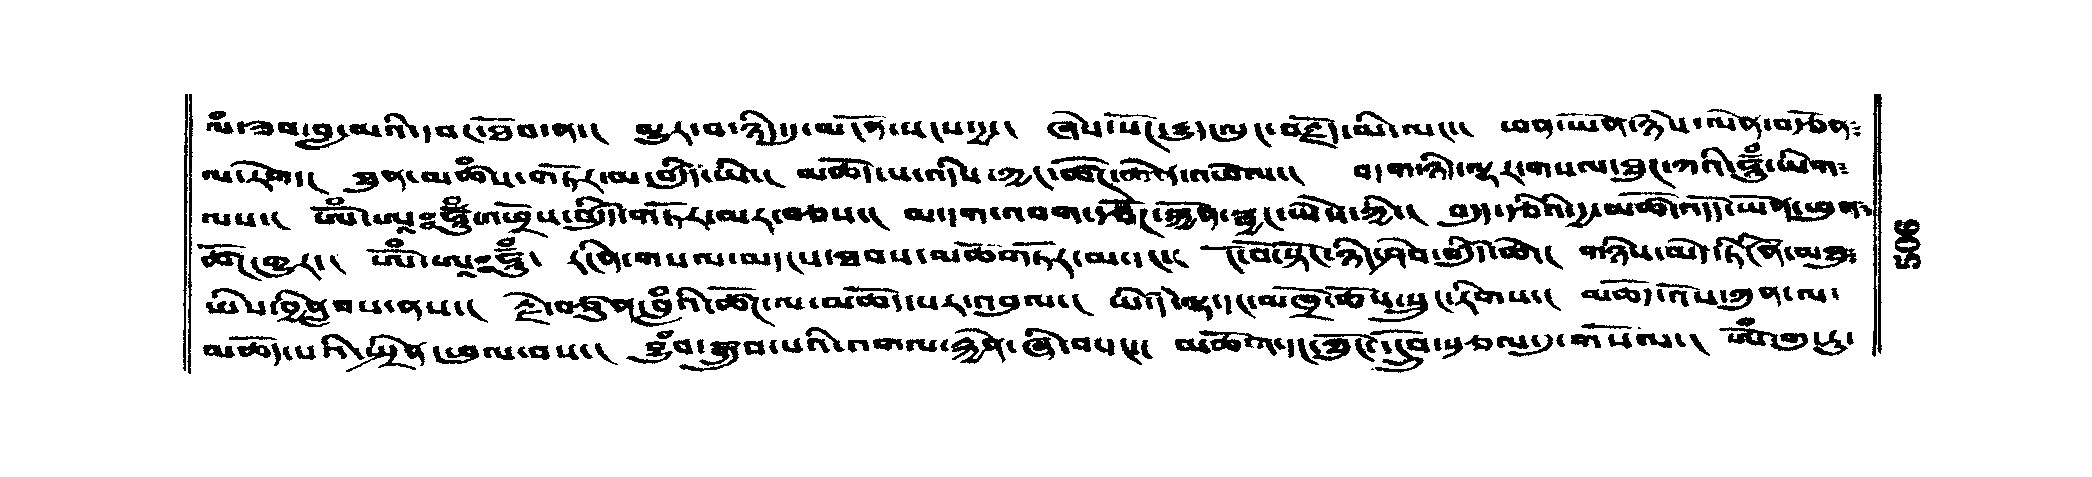ལམ་ཟབ་བླ་མའི་དབང་ཐོབ་ན། །མྱུར་བ་ཉིད་དུ་མངོན་སངས་རྒྱ། །ཞེས་སོགས་རྒྱུད་ལུང་བརྗོད་མི་ལང་། །ཕན་ཡོན་ཉམས་ལེན་བརྩོན་
ལ་རེག་།ཐུན་མཚམས་གཏོར་མ་བདུད་རྩི་ཡི། །མཆོད་པ་འདིས་ཀྱང་ཚོགས་ཆེན་འཕེལ། །བདག་ཉིད་ལྷར་གསལ་ཐུགས་ཀའི་ཧཱུྂ་ཡིག་
ལས། །ཨོྂ་ཨཱཿཧཱུྂ་འཕྲོས་བདུད་རྩིའི་གཏོར་མ་བཅས། །མ་དག་བགས་རྩོགས་སྐྱོན་སྦྱང་ཡེ་ཤེས་ཀྱི། །བདུད་རྩིའི་རྒྱ་མཚོ་འདོད་ཡོན་ཕུན་
ཚོགས་གྱུར། །ཨོྂ་ཨཱཿཧཱུྃ། རང་བཞིན་གསལ་མདངས་ཐབས་མཆོག་གཏོར་མ་དང་། །ངོ་བོ་སྟོང་ཉིད་ཤེས་རབ་བདུད་རྩི་ཆེ། །གཉིས་མེད་ཏིང་འཛིན་མཐུ་
ཡིས་བྱིན་རླབས་ནས། །རྗེ་བཙུན་བླ་མའི་ཚོགས་ལ་མཆོད་པར་འབུལ། །ཡི་དམ་ལྷ་དང་མཁའ་འགྲོ་ཆོས་སྲུང་རིགས། །མཆོད་འོས་ཀུན་ལ་
མཆོད་པའི་སྤྲིན་སྤྲིན་ཕུལ་བས། །བྱང་ཆུབ་སྒྲུབ་པའི་འགལ་རྐྱེན་ཞི་བ་དང་། །མཆོག་དང་ཐུན་མོང་དགོས་གྲུབ་སྩལ་དུ་གསོལ། ། ཨོྂ་གུ་རུ་